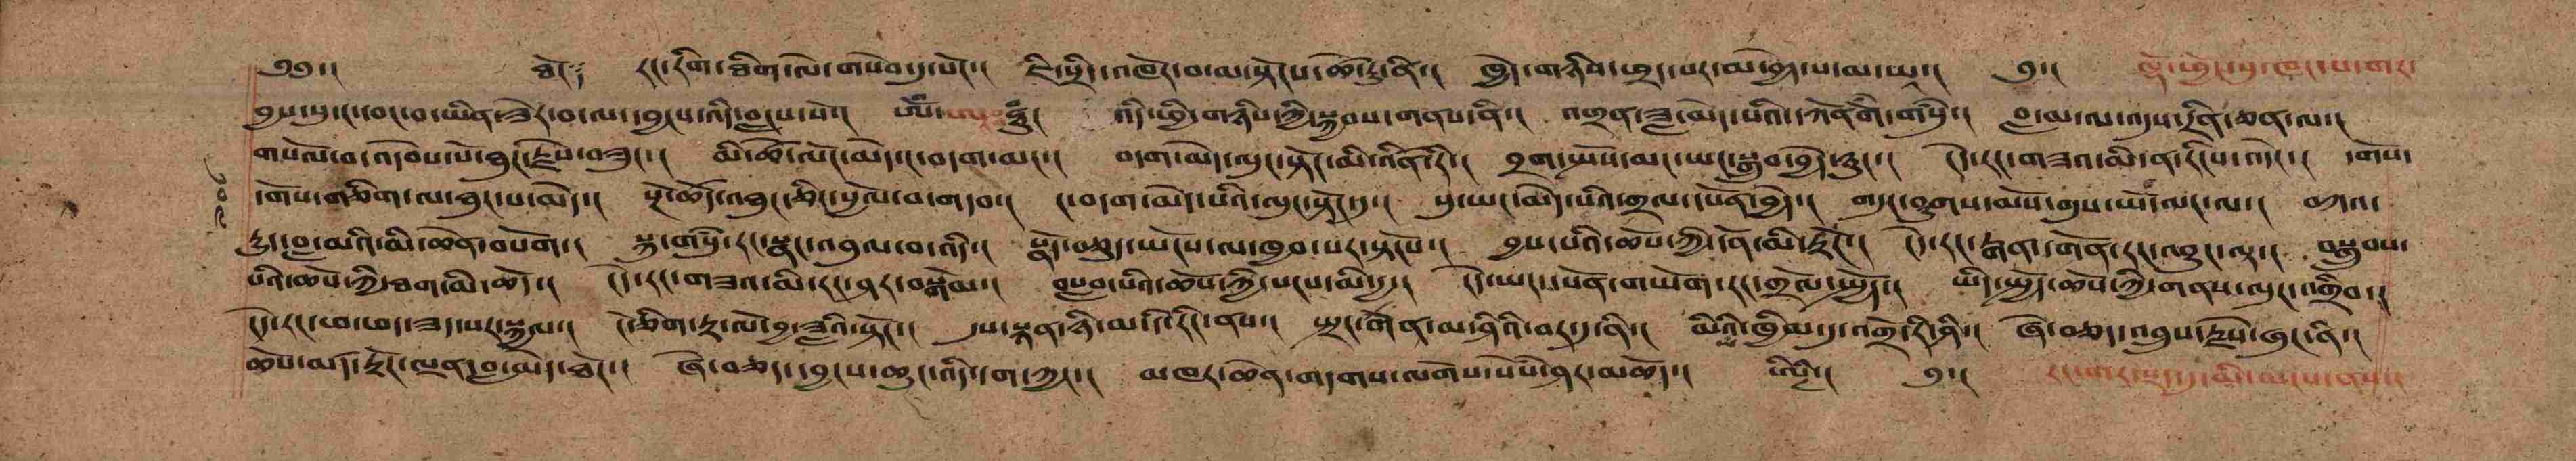༄༅་། ཐོང༑ རང་རིག་ཐིག་ལེ་གསེབ་དུ་སོང་། ཇི་སྲིད་འཁོར་བ་མ་སྟོངས་ཚེ་རུ་ནི། ཁྱེད་གཉིས་ཕྲད་པར་མ་བྱེད་ས་མ་ཡཱ།༄་། ལྷོ་ཕྱོགས་སུ་ཁང་པ་གར་
བྱས་སུ་ང་དབང་བ་ཡིན་ཟེར་བ་ལ་དབྱངས་འདི་བླངས་སོ། ཨོཾ་ཨཱཿཧཱུཾ། འདི་ཕྱི་གཉིས་ཀྱི་སྐྱབས་གནས་ནི། འགྲན་ཟླ་མེད་པའི་དཀོན་མཆོག་གསུམ། བླ་མ་ལ་འདུས་དྲིན་ཅན་ལ། 
གསོལ་བ་འདེབས་སོ་ཐུགས་རྗེས་བཟུང་། མི་ཚེ་ལོང་མེད་ང་བདག་མང་། བདག་མེད་ལུང་སྟོང་མི་འཛིན་རེ། བྲག་སྤོས་མང་ཡང་སྒྲུབ་བྱེད་ཉུང་། ངེད་རང་གཟའ་མི་ན་རིངས་འདེགས། དགོས་
དགོས་གཅིག་ལ་ཐུང་པ་མེད། སྔོ་ཚོད་འཐུང་ཅིང་གསོལ་བ་གདབ། ང་བདག་མེད་པའི་ལུང་སྟོང་དུ། སུ་ཡང་མེད་པའི་གྲལ་དཔོན་བྱེད། གདུང་ཤུགས་མོས་འདུས་ཡོ་ལང་ལ། བཀའ་
རྒྱུད་བླ་མའི་མི་ཆེན་བསོག སྐུ་གསུམ་རང་སྣང་འབུལ་བ་འདི། སྣོད་བཅུད་ཡོངས་ལ་ཁྱབ་པར་སྟོངས། བྱས་པའི་ཆོས་ཀྱི་དོན་མི་རྟོགས། ངེད་རང་རྒན་དགོན་རང་འབྱུང་ལྟ། བསྒྲུབས་
པའི་ཆོས་ཀྱི་ཐག་མི་ཆོད། ངེད་རང་གཟའ་མི་རང་ཤར་བསྒོམས། བསླབ་པའི་ཆོས་ཀྱི་སངས་རྒྱས་མི་རྒྱ། ངེད་ཡང་དཔོན་གཡོག་རང་གྲོལ་སྤྱོད། ཡིད་སྤྱོད་ཆོས་ཀྱི་གནས་ལུགས་འགྲིབ། 
ངེད་རང་ཕ་ཕད་ཟད་སར་སྐྱལ། ངེ་ཅིག་རྟ་ལོ་བྱ་ཟླའི་སྟོང་། དུས་སྙན་ཉི་མ་དེ་རིང་ནས། སྤྲང་རྒན་མ་ཤིའི་བར་དུ་ནི། མི་ཡི་ཁྱིམ་དུ་འགྲོ་རི་ཤི། ཞེ་བཅད་འབྲས་བུས་རྗེས་ཞུགས་ནི། 
ཆོས་མཛད་རྟོགས་ལྡན་བླ་མེད་ཐོང་། ཞེ་བཅད་དབྱངས་ཆུང་འདི་དག་ཀྱང་། མཁར་ཆེན་གདགས་ལོགས་སེམས་ཤར་མཆོད། ཨིཊི། ༄་། རང་གར་སྡད་དུ་མི་ལངས་ནས།